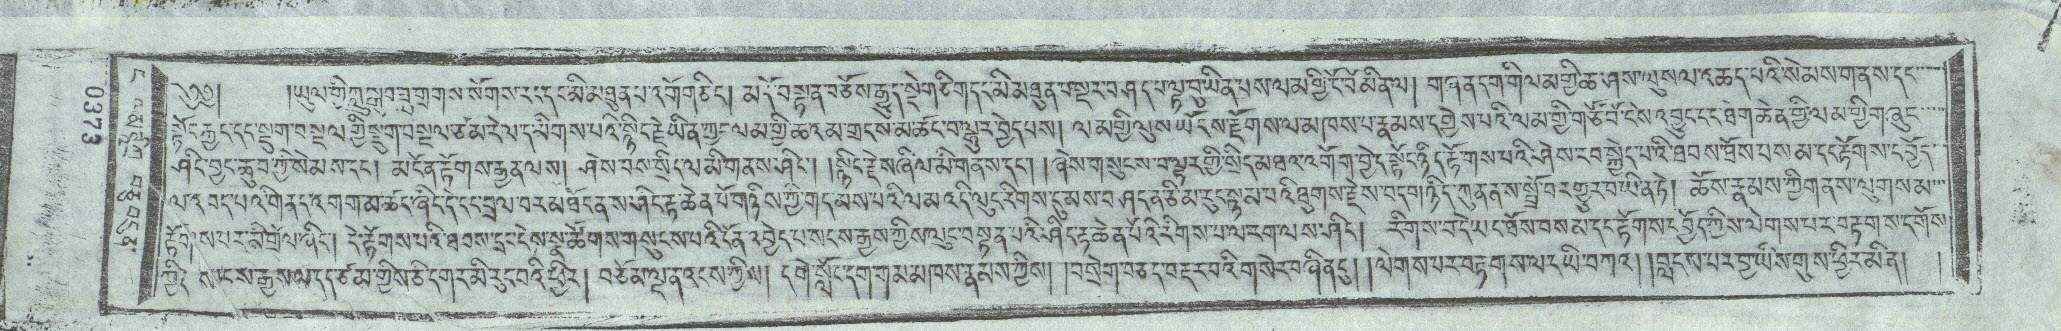༄༅། །ཡུལ་གྱི་ཀླུ་སྒྲུབ་ཟླ་གྲགས་སོགས་རང་དང་མི་མཐུན་པ་འགོག་ཅིང་། མདོ་བསྟན་བཅོས་རྒྱུད་སྡེ་གཅིག་དང་མི་མཐུན་པ་སྔར་བཤད་པ་ལྟ་བུ་ཡིན་པས་ལམ་གྱི་ངོ་བོ་མིན་ལ། གཞན་དག་གི་ལམ་གྱི་ཆ་ཤས་ལུས་ལ་འཆད་པའི་སེམས་གནས་དང་
སྟོང་རྐྱང་དང་སྡུག་བསྔལ་གྱི་སྡུག་བསྔལ་ཙམ་རེལ་དམིགས་པའི་སྙིང་རྗེ་ཡིན་ཀྱང་ལམ་གྱི་ཆའམ་གྲངས་མཚང་བ་ལྟུར་བྱེད་པས། ལམ་གྱི་ལུས་ཡོངས་རྫོགས་ལ་མཁས་པ་རྣམས་དགྱེས་པའི་ལམ་གྱི་གཙོ་བོ་ངེས་འབྱུང་དད་ཐག་ཆེན་གྱི་ལམ་གྱི་གཞུང་
ཤིང་བྱང་ཆུབ་ཀྱི་སེམས་དང་། མངོན་རྟོགས་རྒྱན་ལས། ཤེས་པས་སྲིད་ལ་མི་གནས་ཤིང་། །སྙིང་རྗེས་ཞིལ་མིག་ནས་དང་། །ཞེས་གསུངས་བ་ལྟར་གྱི་སྲིད་མཐའ་འགོག་བྱེད་སྟོང་ཉིད་རྟོགས་པའི་ཤེས་རབ་སྐྱེད་པའི་ཐབས་ཐོས་པས་མད་དང་རྟོགས་དབྱོད་
ལ་འབད་པའི་གི་ནད་འགག་མཚང་ཞིང་དེ་དང་བྲལ་པར་མཐོང་ནས་ཤིང་རྟ་ཆེན་པོ་གཉིས་ཀྱི་གདམས་པའི་ལམ་འདི་ལུང་རིགས་དུ་མས་བཤད་ན་ཅིམ་རུང་སྙམ་པའི་ཐུགས་རྗེས་བདག་ཉིད་ཀུན་ནས་སྤྲོ་པར་གྱུར་པ་ཡིན་ཏེ། ཆོས་རྣམས་ཀྱི་གནས་ལུགས་མ་
རྟོགས་པར་མི་གྲོལ་ཞིང་། དེ་རྟོགས་པའི་ཐབས་དྲངས་དེས་སྣ་ཚོགས་གསུངས་པའི་དོན་འབྱེད་པ་སངས་རྒྱས་ཀྱིས་ལུང་བསྟན་པའི་ཤིང་རྟ་ཆེན་པོའི་རིགས་པ་ལ་རག་ལས་ཤིང་། རིགས་པ་དེ་ཡང་ཐོས་བསམ་དང་རྟོགས་དཔྱོད་ཀྱིས་ལེགས་པར་བརྟགས་དགོས་
ཀྱི༑ སངས་རྒྱས་དད་ཙམ་གྱིས་ཅིང་གར་མི་རུང་པའི་ཕྱིར། བཅོམ་ལྡན་འདས་ཀྱིས། དགེ་ལོང་དགག་མ་མཁས་རྣམས་ཀྱིས། བསྲེག་བཅད་བརྡར་པའི་གསེར་བཞིན་དུ། །ལེགས་པར་བརྟགས་ལ་ང་ཡི་བཀའ། བླངས་པར་བྱ་ཡིས་གུས་ཕྱིར་མིན། །